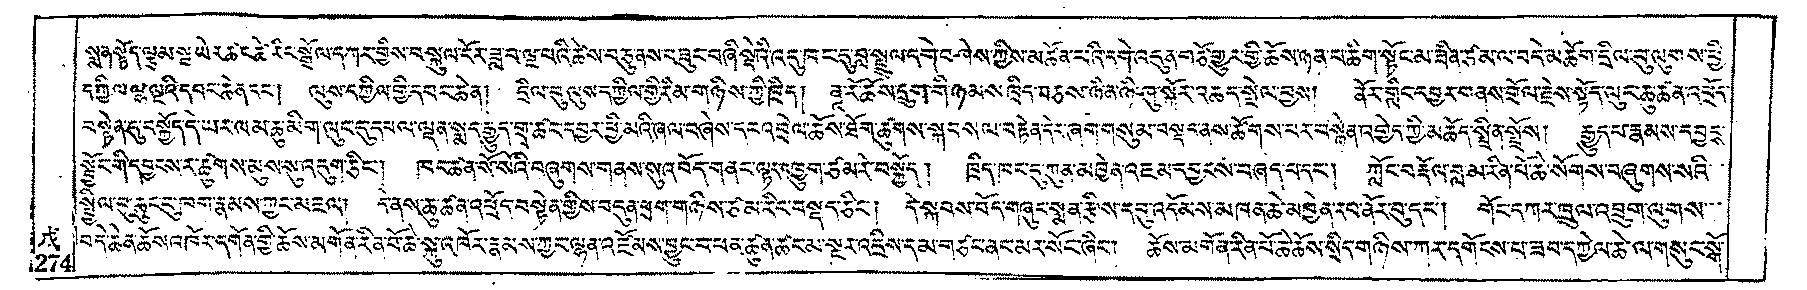སྨན་སྟོད་ལྕམ་སྦ་ཡེར་ཚང་ཚེ་རིང་སྒྲོལ་དཀར་གྱིས་བསྐུལ་ངོར་ཟླ་བ་ལྔ་པའི་ཚེས་བཅུ་ནས་བཟུང་བཞི་སྡེའི་འདུ་ཁང་དུ་བླ་སྤྲུལ་དགེ་བཤེས་ཀྱིས་མཚོན་པའི་དགེ་འདུན་གཙོ་གྱུར་གྱི་ཆོས་ཉན་པ་ཆིག་སྟོང་མ་ཟིན་ཙམ་ལ་བདེ་མཆོག་དྲིལ་བུ་ལུགས་ཕྱི་
དཀྱིལ་ལྷ་ལྔའི་དབང་ཆེན་དང་། ལུས་དཀྱིལ་གྱི་དབང་ཆེན། དྲིལ་བུ་ལུས་དཀྱིལ་གྱི་རིམ་གཉིས་ཀྱི་ཁྲིད། ནཱ་རོ་ཆོས་དྲུག་གི་ཉམས་ཁྲིད་བཅས་ཉིན་ཉི་ཤུ་སྐོར་འཆད་སྤེལ་བྱས། ནོར་གླིང་དབྱར་གནས་གྲོལ་རྗེས་སྟོད་ལུང་ཆུ་ཚན་འཕྲོད་
བསྟེན་དུ་བསྐྱོད་དེ་ཡར་ལམ་ཆུ་མིག་ལུང་དུ་དཔལ་ལྡན་སྨད་རྒྱུད་གྲྭ་ཚང་དབྱར་ཕྱི་མའི་ཞལ་བཞེས་དང་འབྲེལ་ཆོས་ཐོག་ཚུགས་སྐབས་ལ་བརྟེན་དེར་ཞག་གསུམ་བསྡད་ནས་ཚོགས་པར་བསྙེན་འགྱེད་ཀྱི་མཆོད་སྤྲིན་སྤྲོས། རྒྱུད་པ་རྣམས་དབྱངས་
སྦྱོང་གི་དབྱངས་ར་ཚུགས་མུས་སུ་འདུག་ཅིང་། ཁང་ཚན་སོ་སོའི་བཞུགས་གནས་སུ་འབོད་གནང་ལྟར་འཁྱུག་ཙམ་རེ་བསྐྱོད། ཁྲིད་ཁང་དུ་ཀུན་མཁྱེན་འཇམ་དབྱངས་བཞད་པ་དང་། ཀློང་བརྡོལ་བླ་མ་རིན་པོ་ཆེ་སོགས་བཞུགས་སའི་
སྤྱི་ལ་བུ་ཆུང་དུ་ཁག་རྣམས་ཀྱང་མཇལ། དེ་ནས་ཆུ་ཚན་འཕྲོད་བསྟེན་གྱིས་བདུན་ཕྲག་གཉིས་ཙམ་རིང་བསྡད་ཅིང་། དེ་སྐབས་བོད་གཞུང་སྨན་རྩིས་དབུ་འདོམས་མཁན་ཆེ་མཁྱེན་རབ་ནོར་བུ་དང་། གོང་དཀར་ཁྲུལ་འབྲུག་ལུགས་
བདེ་ཆེན་ཆོས་འཁོར་དགོན་གྱི་ཆོས་མགོན་རིན་པོ་ཆེ་སྐུ་འཁོར་རྣམས་ཀྱང་ལྷན་འཛོམས་བྱུང་བ་ཕན་ཚུན་ཚང་མ་སྔར་འདྲིས་དམ་གཙང་ནང་མར་སོང་ཞིང་། ཆོས་མགོན་རིན་པོ་ཆེ་ཆོས་སྲིད་གཉིས་ཀར་དགོངས་པ་ཟབ་དཀྱེལ་ཆེ་ལ་གསུང་སྒོ་